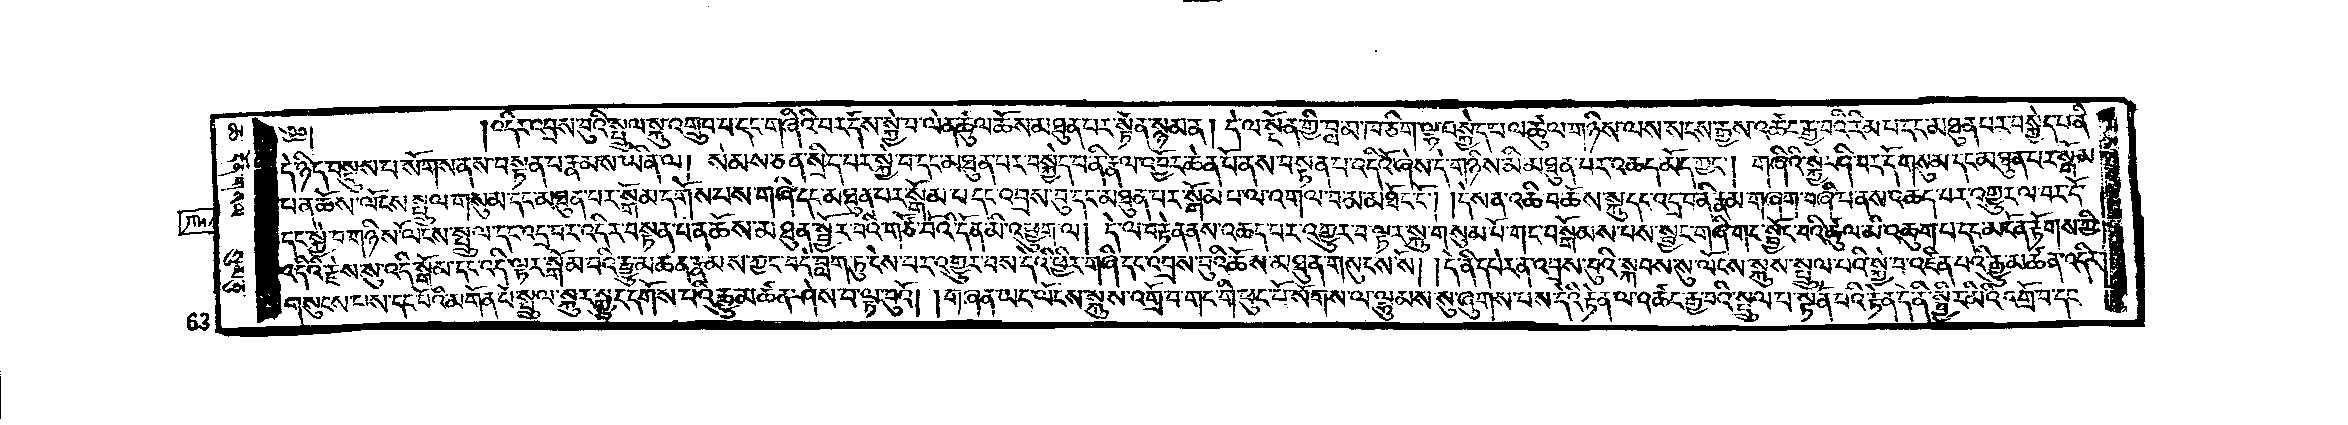༄༅། །འདིར་འབྲས་བུའི་སྤྲུལ་སྐུ་འགྲུབ་པ་དང་གཞིའི་བར་དོས་སྐྱེ་བ་ལེན་ཚུལ་ཆོས་མཐུན་པར་སྟོན་སྙམ་ན། དེ་ལ་སྔོན་གྱི་བླ་མ་ཁ་ཅིག་ལྷ་བསྐྱེད་པ་ལ་ཚུལ་གཉིས་ལས་སངས་རྒྱས་འཚང་རྒྱ་བའི་རིམ་པ་དང་མཐུན་པར་བསྐྱེད་པ་ནི་
དེ་ཉིད་བསྡུས་པ་སོགས་ནས་བསྟན་པ་རྣམས་ཡིན་ལ། སེམས་ཅན་སྲིད་པར་སྐྱེ་བ་དང་མཐུན་པར་བསྐྱེད་པ་ནི་རྣལ་འབྱོར་ཆེན་པོ་ནས་བསྟན་པ་འདིའོ་ཞེས་དེ་གཉིས་མི་མཐུན་པར་འཆད་མོད་ཀྱང་། གཞིའི་སྐྱེ་ཤི་བར་དོ་གསུམ་དང་མཐུན་པར་སྒོམ་
པ་ན་ཆོས་ལོངས་སྤྲུལ་གསུམ་དང་མཐུན་པར་སྒོམ་དགོས་པས་གཞི་དང་མཐུན་པར་སྒོམ་པ་དང་འབྲས་བུ་དང་མཐུན་པར་སྒོམ་པ་ལ་འགལ་བ་མ་མཐོང་ངོ། །དེས་ན་འཆི་བ་ཆོས་སྐུ་དང་འདྲ་བ་ནི་རྣམ་གཞག་བཞི་པ་ནས་འཆད་པར་འགྱུར་ལ་བར་དེ་
དང་སྐྱེ་བ་གཉིས་ལོངས་སྤྲུལ་དང་འདྲ་བར་འདིར་བསྟན་པ་ན་ཆོས་མཐུན་སྦྱོར་བའི་གཙོ་བོའི་དོན་མི་འཕྱུག་ལ། དེ་ལ་བརྟེན་ནས་འཆད་པར་འགྱུར་བ་ལྟར་སྐུ་གསུམ་པོ་གང་བསྒོམས་པས་སྦྱང་གཞི་གང་སྦྱོང་བའི་ཚུལ་མི་འཆུག་པ་དང་མངོན་རྟོགས་ཀྱི་
འདིའི་རྗེས་སུ་འདི་སྒོམ་དང་འདི་ལྟར་སྒོམ་པའི་རྒྱུ་མཚན་རྣམས་ཀྱང་བདེ་བླག་ཏུ་ངེས་པར་འགྱུར་བས་དེའི་ཕྱིར་གཞི་དང་འབྲས་བུའི་ཆོས་མཐུན་གསུངས་སོ། །དེ་ནི་དཔེར་ན་འབྲས་བུའི་སྐབས་སུ་ལོངས་སྐུས་སྤྲུལ་པའི་སྐྱེ་བ་འཛིན་པའི་རྒྱུ་མཚན་འདིར་
གསུངས་པས་དང་པོའི་མགོན་པོ་སྤྲུལ་སྐུར་སྒྱུར་དགོས་པའི་རྒྱུ་མཚན་ཤེས་པ་ལྟ་བུའོ། །གཞན་ཡང་ལོངས་སྐུས་འགྲོ་བ་གང་གི་ཕུང་པོ་སོགས་ལ་ལྷུམས་སུ་ཞུགས་པས་དེའི་རྟེན་ལ་འཚང་རྒྱ་བའི་སྤྲུལ་པ་སྟོན་པའི་རྟེན་དེ་ནི་སྤྱིར་མིའི་འགྲོ་བ་དང་